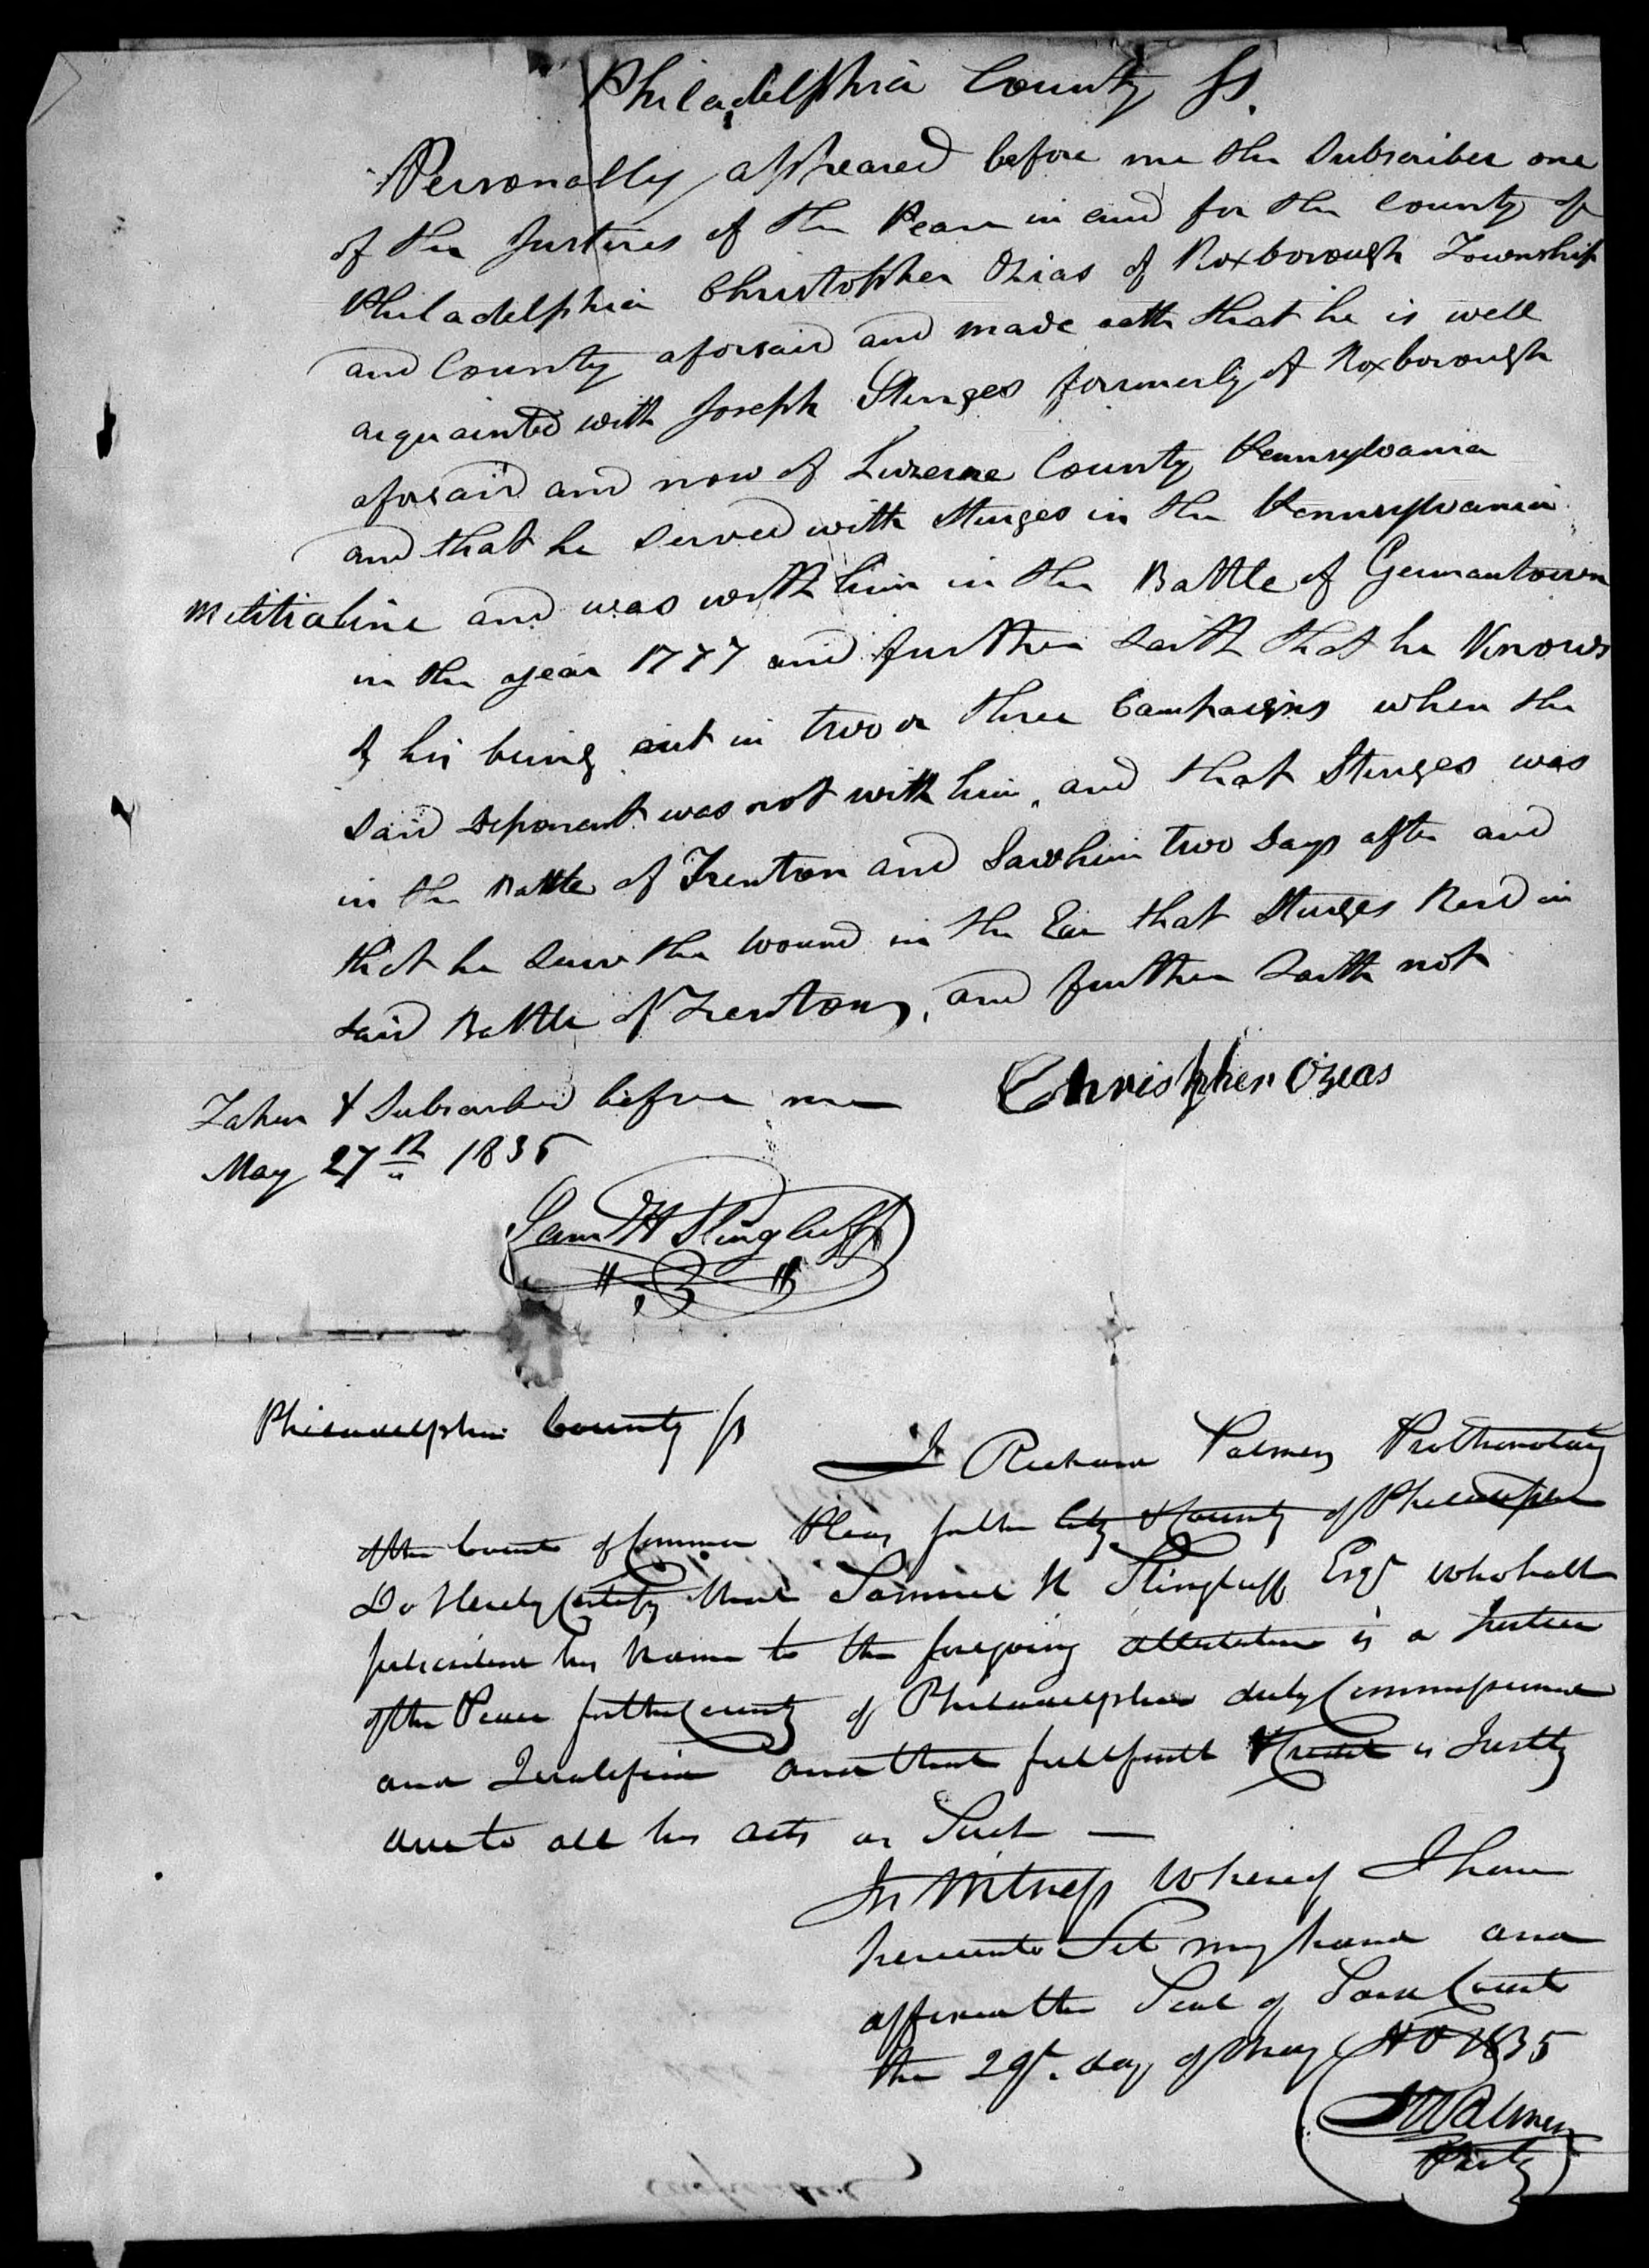Philadelphia County SS.     
Personally appeared before me the Subscriber one of the Justices of the Peace in and for the County of Philadelphia Christopher Ozias of Roxborough Township and County aforesaid and made oath that he is well acquainted with Joseph Sturges formerly of Roxborough aforesaid and now of Luzerne County Pennsylvania and that he served with Sturges in the Pennsylvania line and was with him in the Battle of Germantown in the year 1777 and further saith that he knows his being out in two or three campaigns when this said Deponent was not with him and that Sturges was in the Battle of Trenton and Saw him two days after and that he saw the wound in the Ear that Sturges Rec’d in said Battle of Trenton, and further saith not 
Christopher Ozias
Taken & Subscribed before me May 27th 1835    
Sam’l H. Slingluff  
Philadelphia County Ss  
I Richard Palmer Prothonotary of the Court of Common Pleas for the City & County of Philadelphia Do hereby Certify that Samuel H. Samuel H Slinghuff Esq who hath subscribed his name to the foregoing attestation is a Justice of the Peace for the County of Philadelphia duly Commissioned and Qualified and that full faith and Credit is Justly unto all his acts as such -    
In Witness whereof I have hereunto set my hand and affixed the Seal of Said Court the 29th day of May AD 1835 
R. Palmer Proty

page: 18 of 31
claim: survivor's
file: S. 6154, for Joseph Sturgis, Pennsylvania